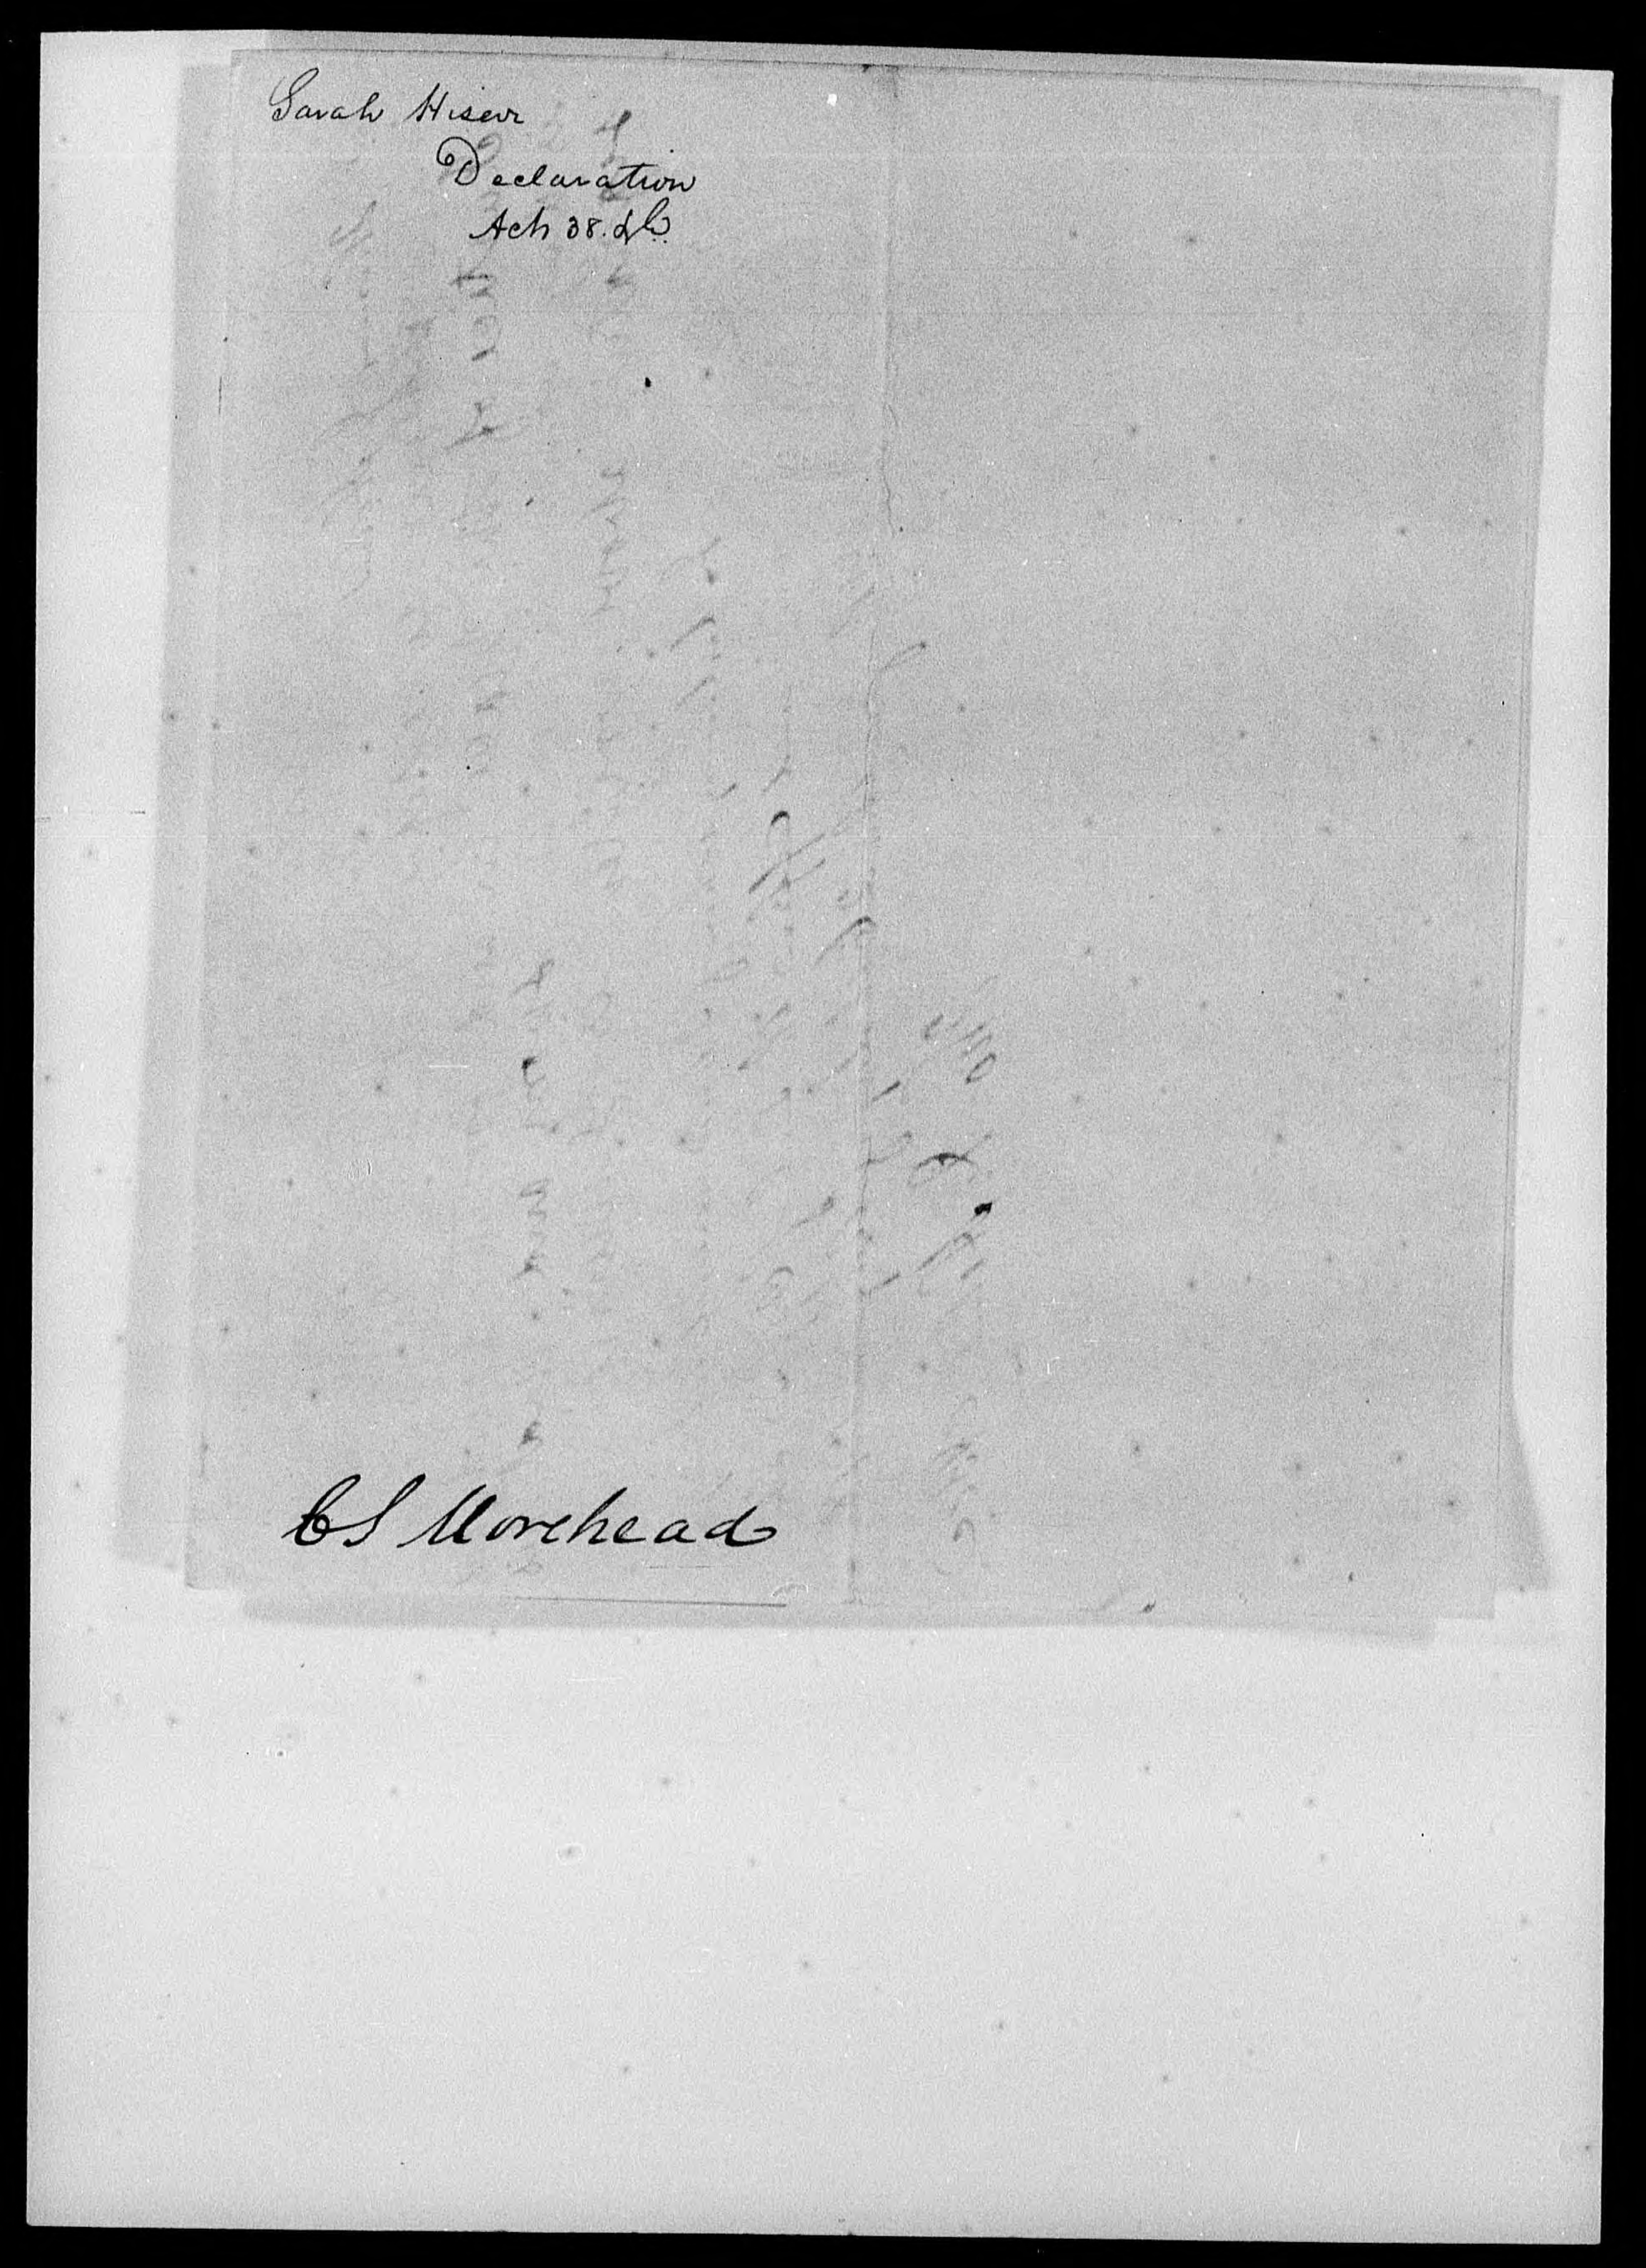Sarah Hiser
Declaration
Act 38 Jly

C S Morehead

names: Sarah Hiser, C S Morehead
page: 36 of 58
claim: widow's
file: W. 8932, John Hiser, Penn.